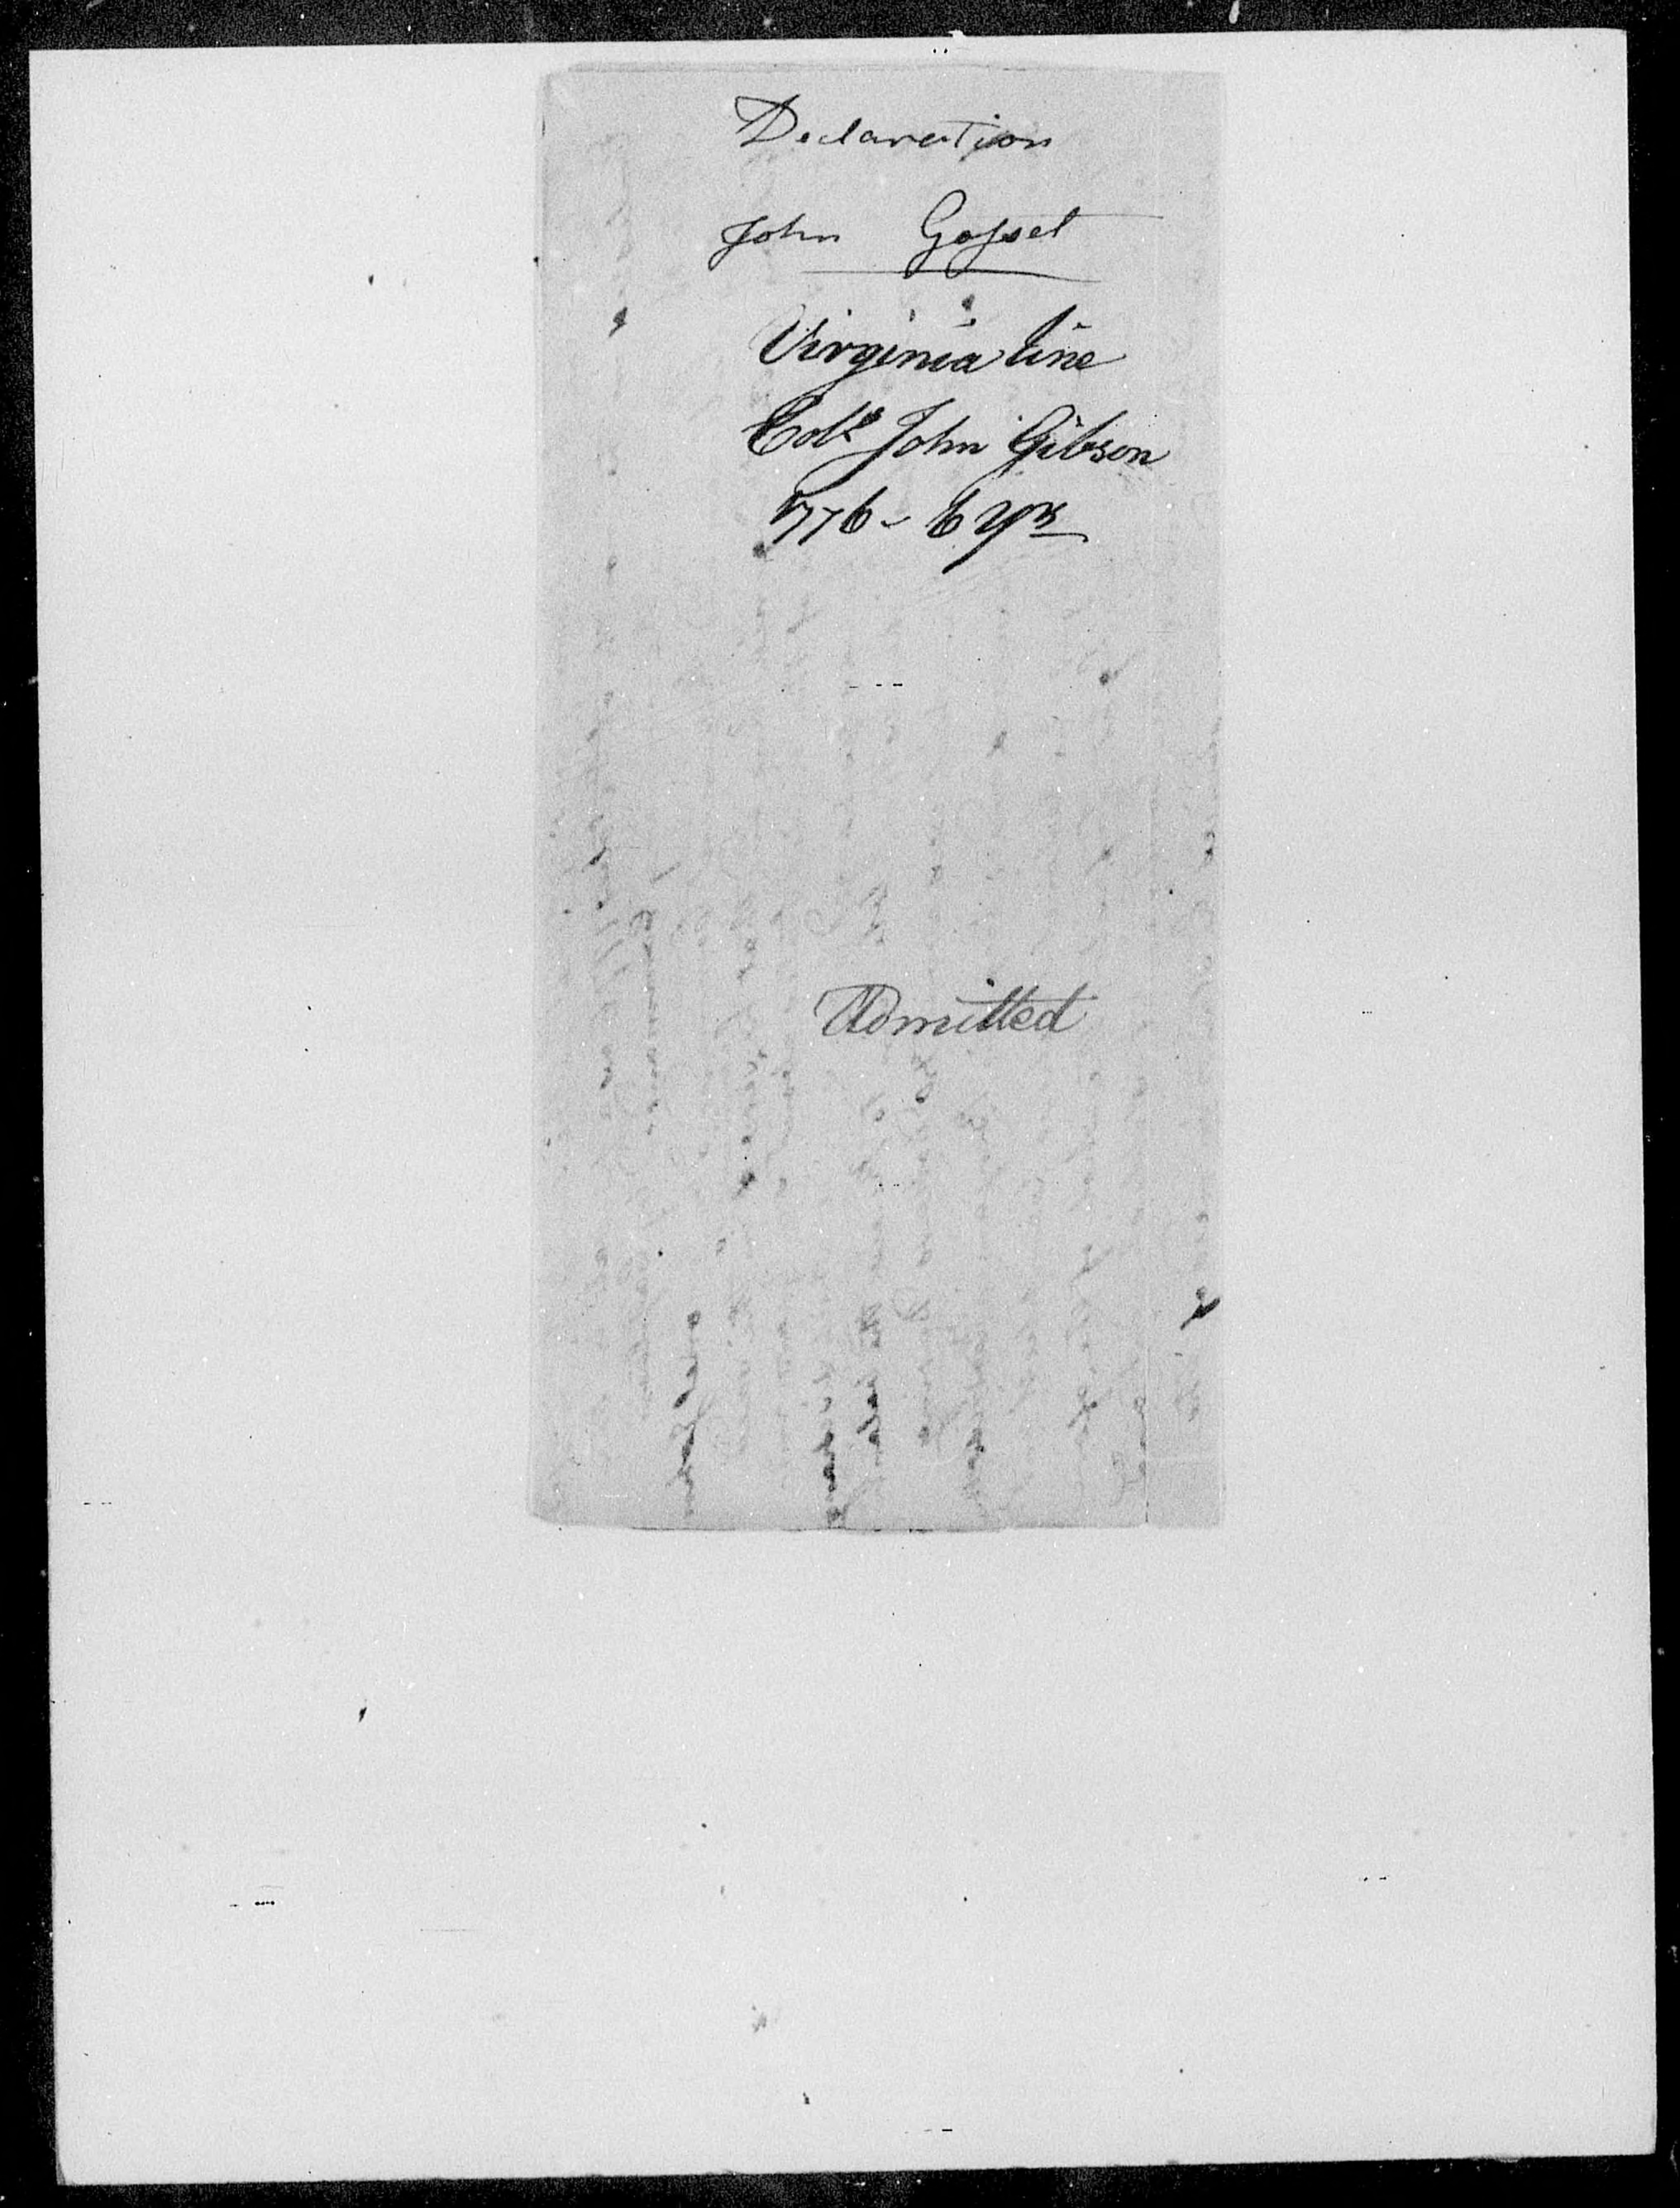Declaration John Gosset
Virginia line
Col. John Gibson
1776 - 6 yrs

Admitted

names: John Gibson, John Gosset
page: 3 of 21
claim: survivor's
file: S. 42,750, John Gosset, Va.